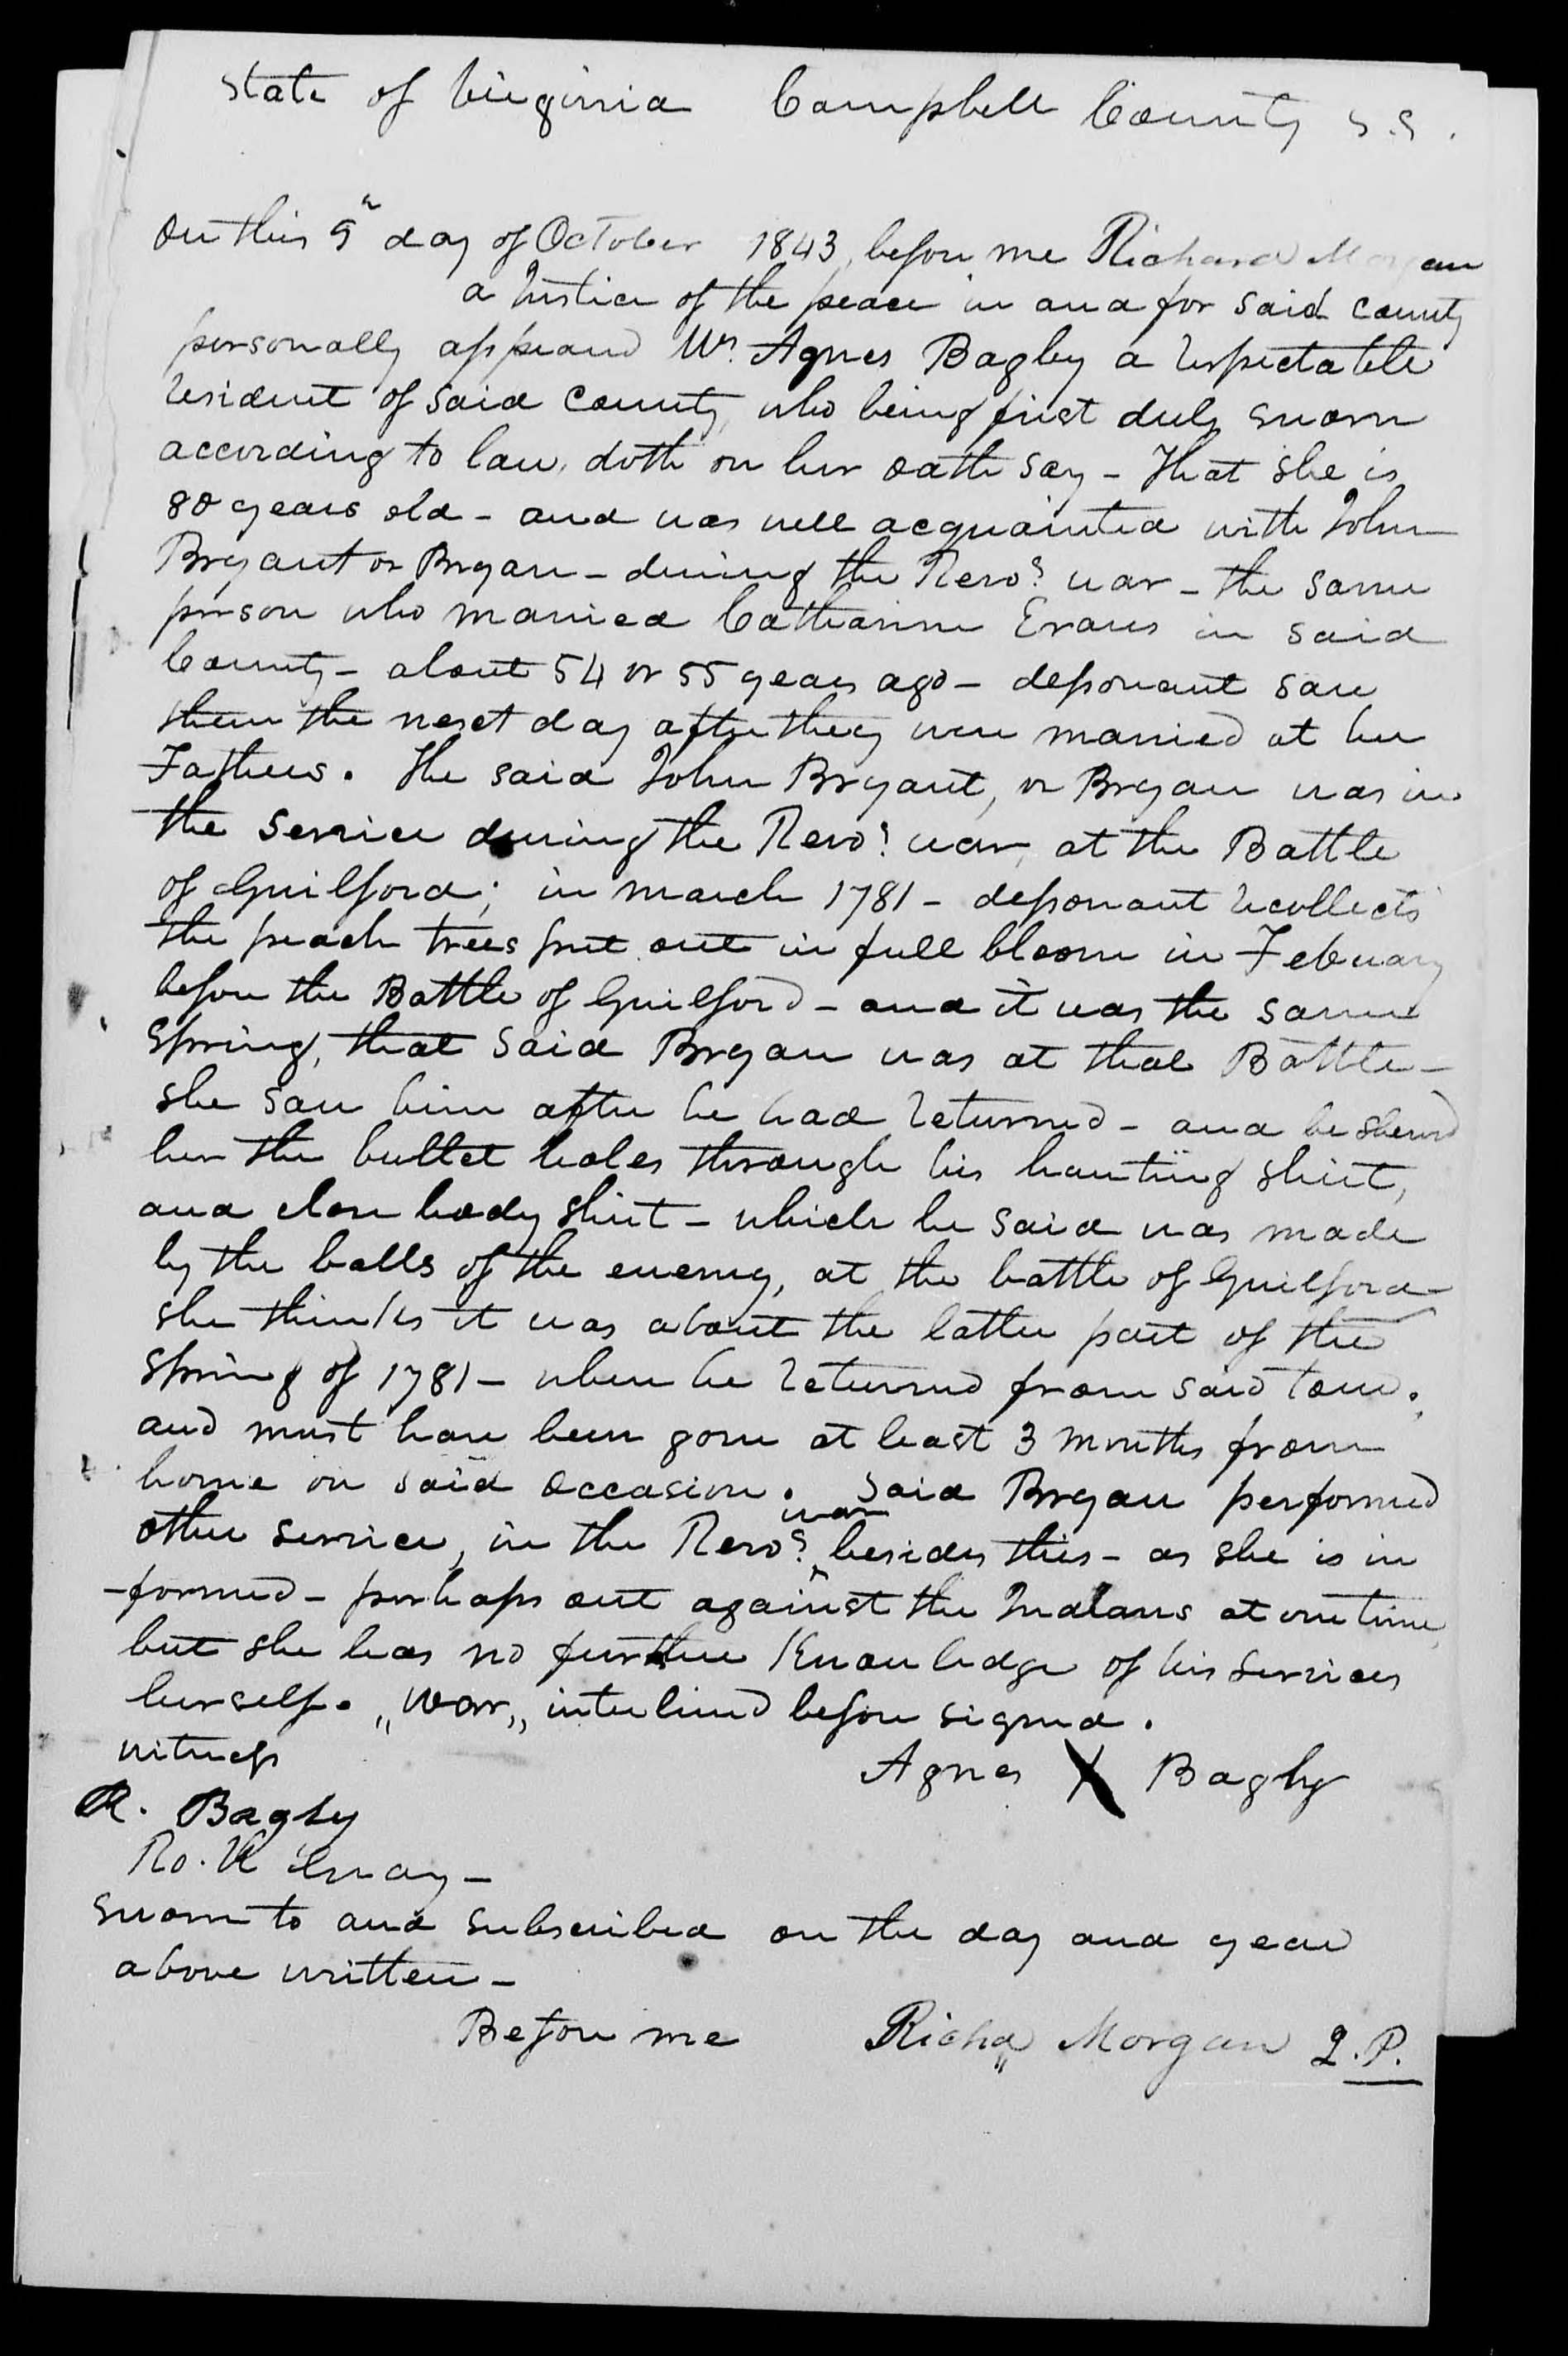State of Virginia Campbell County S.S.

On this 5th day of October 1843, before me Richard Morgan an justice of the peace in and for said county personally appeared Mrs. Agnes Bagby a respectable resident of said county who being first duly sworn according to law doth on her oath say - that she is 88 years old - and was well acquainted with John Bryant or Bryan - during the Revo war - the same person who married Catharine Evans in said county - about 54 or 55 years ago-  deponent [illegible] that the next day after they were married at her fathers. The said John Bryant, or Bryan was in the service during the Revo war at the Battle of Guilford; in March 1781 - deponent recollects the peach trees were out in full bloom in February before the Battle of Guilford - and it was the same spring, that said Bryan was at the Battle She saw him after he had returned - and he examined [illegible] the bullet holes through his hunting shirt, and also [illegible] flint - which he said was made by the balls of the enemy, at the Battle of Guilford she thinks it was about the latter part of the Spring of 1781 - when he returned from said tour; and must have been gone at least 3 months from home in said occasion. said Bryan performed other services, in the Revo besides this - or she is in some [illegible] - perhaps out against the Indians at another time but she has no further knowledge of his services herself. "Worn, interlined before signed."

[illegible] Agnes X Bagby

R. Bagby

Ro H Gray -
sworn to and subscribed on the day and year
above written -

Before me [signature] Richard Morgan J.P. [underlined]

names: Richd Morgan, Richard Morgan, Bryan, Agnes Bagby, John Bryan, R Bagby, Bryan, John Bryant, John Bryan, Catharine Evans, John Bryant, Ro H Gray, Agnes Bagby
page: 18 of 31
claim: widow's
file: W. 3759, John Bryan, Va.